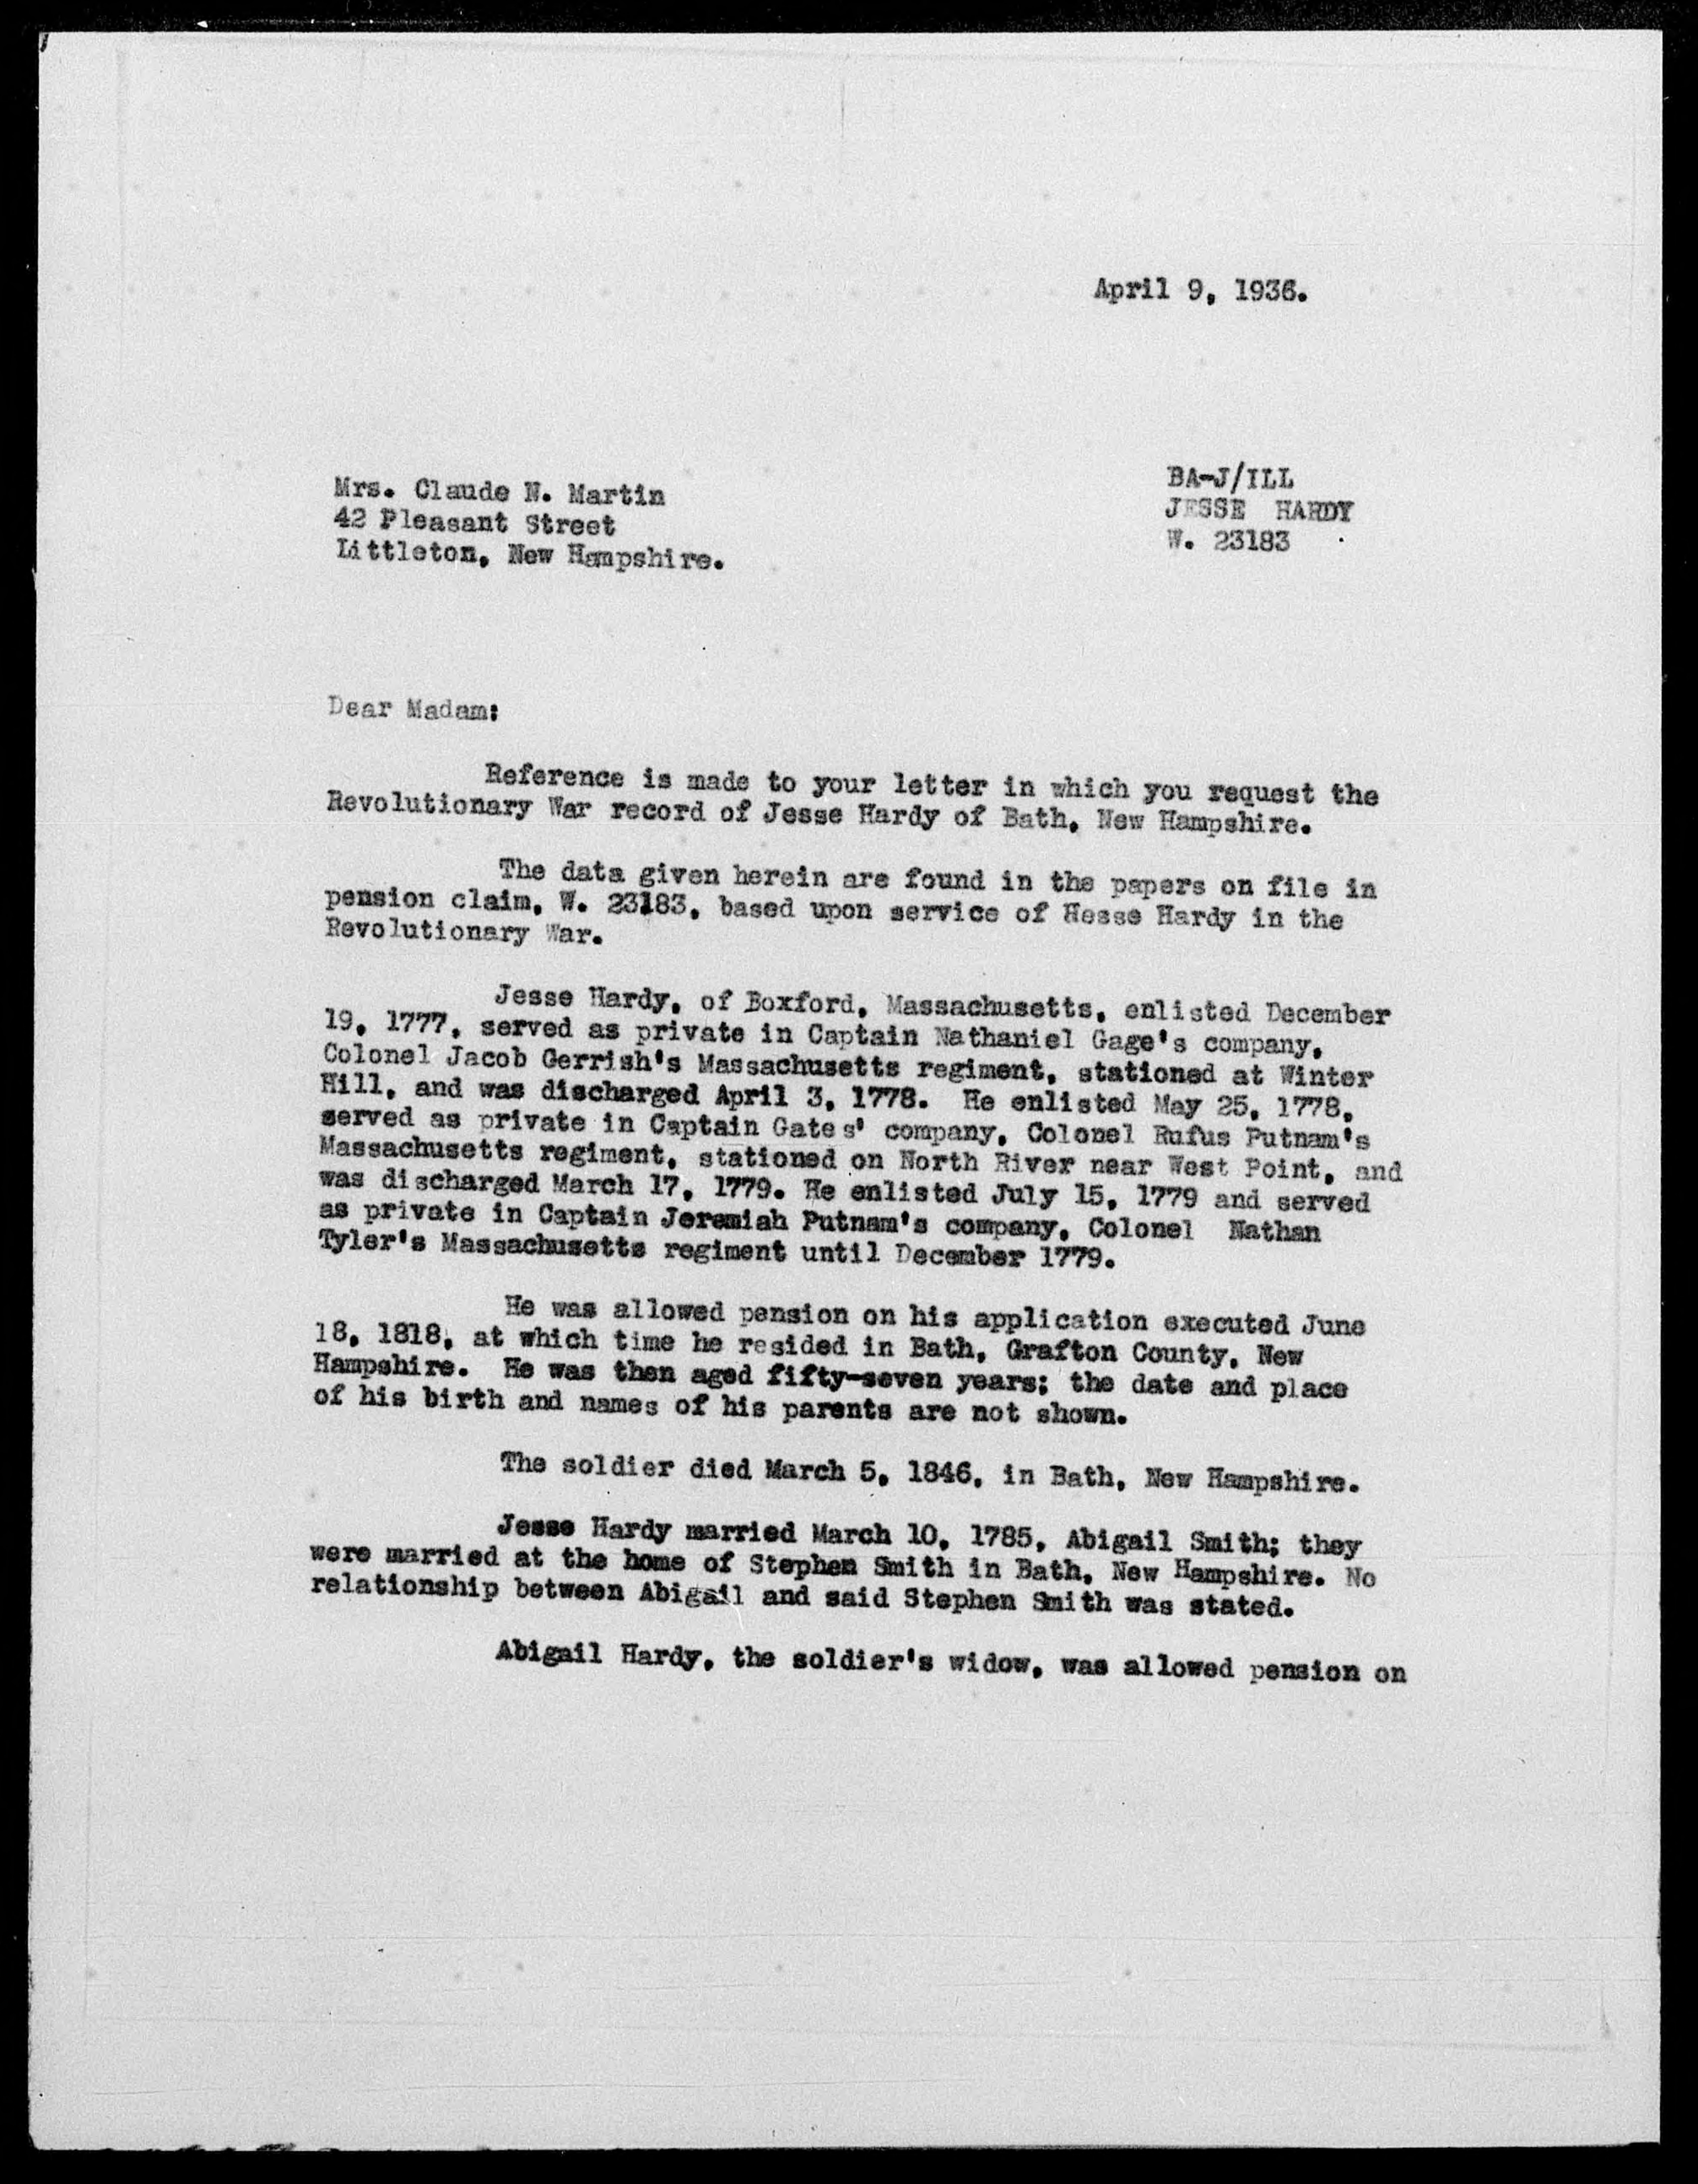April 9, 1936. BA-J/ILL JESSE HARDY W. 23183 
Mrs. Claude N. Martin 422 Pleasant Street Littleton, New Hampshire. 
Dear Madam: Reference is made to your letter in which you request the Revolutionary War record of Jesse Hardy of Bath, New Hampshire. The data given herein are found in the papers on file in pension claim, W. 23183, based upon service of Hesse Hardy in the Revolutionary War. 
Jesse Hardy, of Boxford, Massachusetts, enlisted December 19, 1777, served as private in Captain Nathaniel Gage's company, Colonel Jacob Gerrish's Massachusetts regiment, stationed at Winter Hill, and was discharged April 3, 1778. He enlisted May 25, 1778, served as private in Captain Gates' company, Colonel Rufus Putnam's Massachusetts regiment, stationed on North River near West Point, and was discharged March 17, 1779. He enlisted July 15, 1779 and served as private in Captain Jeremiah Putnam's Company, Colonel Nathan Tyler's Massachusetts regiment until December 1779. 
He was allowed pension on his application executed June 18, 1818, at which time he resided in Bath, Grafton County, New Hampshire. He was then aged fifty-seven years; the date and place of his birth and names of his parents are not shown. 
The soldier died March 5, 1846, in Bath, New Hampshire. 
Jesse Hardy married March 10, 1785, Abigail Saith; they were married at the home of Stephen Smith in Bath, New Hampshire. No relationship between Abigail and said Stephen Smith was stated. Abigail Hardy, the soldier's widow, was allowed pension on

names: Jesse Hardy, Jesse Hardy, Stephen Smith, Abigail, Abigail Smith, Jesse Hardy, Stephen Smith, Claude N Martin, Jesse Hardy, Abigail Hardy, Jesse Hardy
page: 16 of 67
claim: widow's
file: W. 23183, Jesse Hardy, Mass.